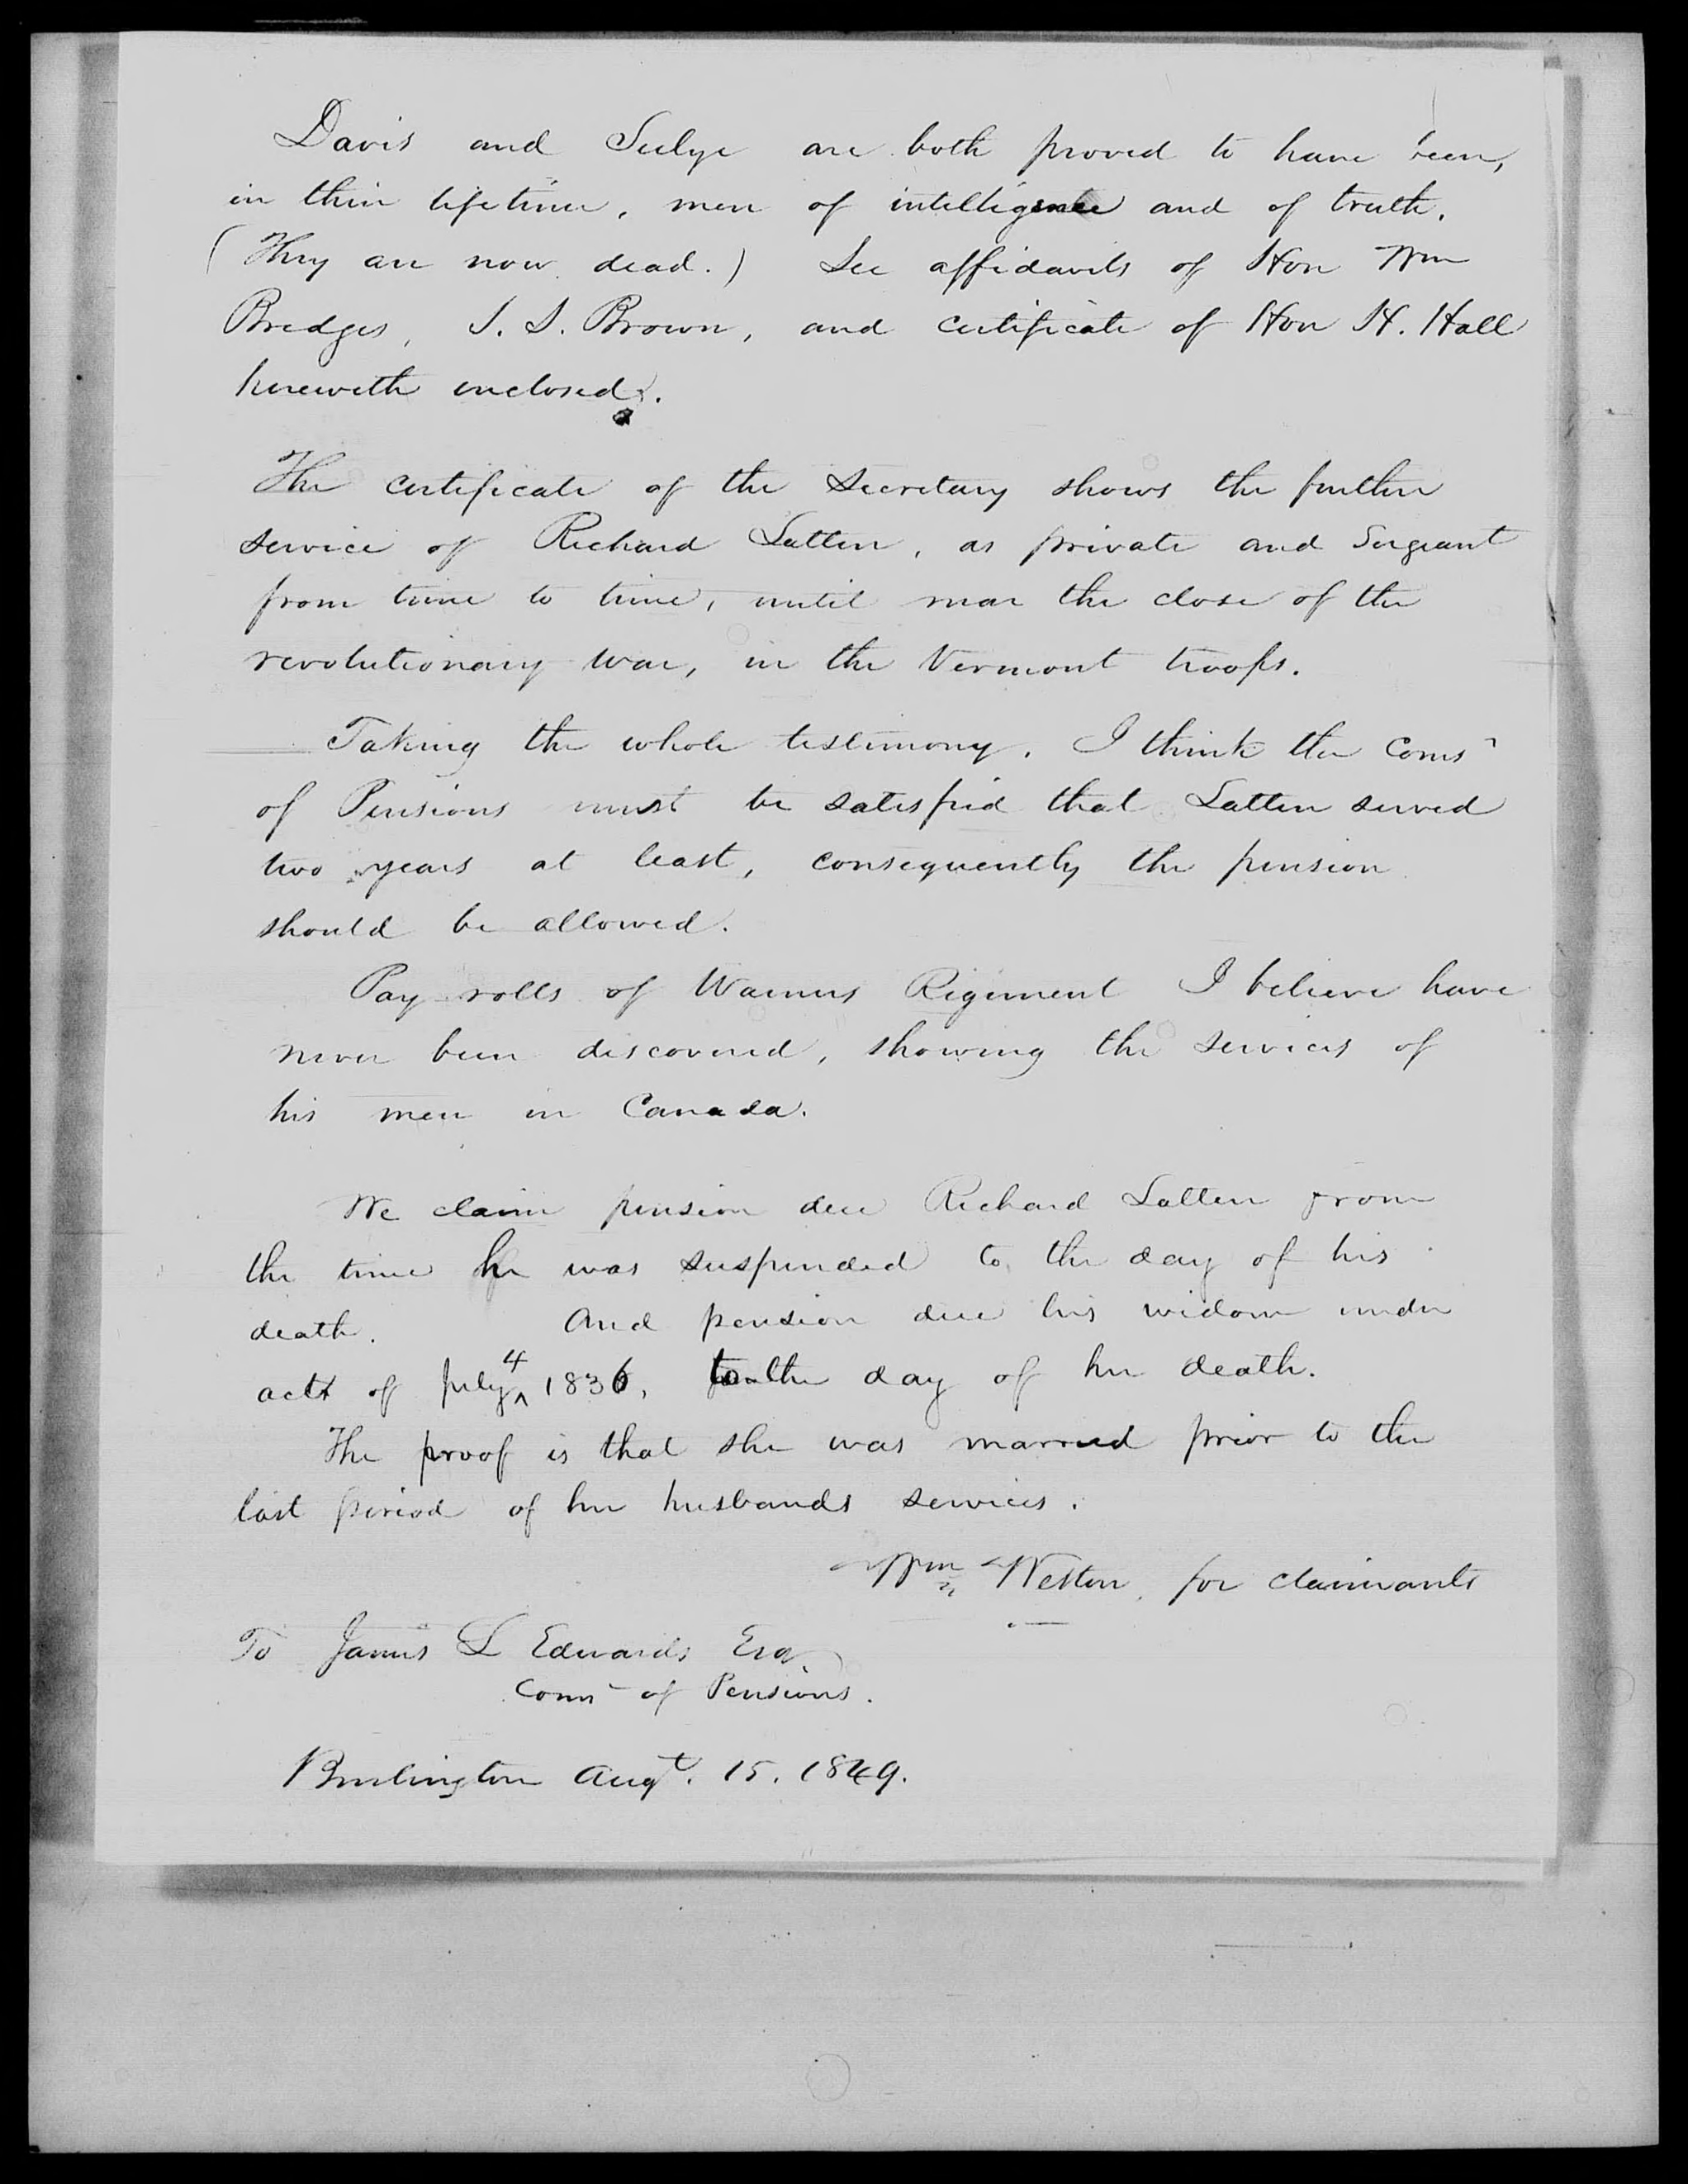Davis and Seelye are both proved to have been,
in their lifetime, men of intelligence and of truth
(they are now dead). See affidavits of Hon Wm
Bridges, J. S. Brown, and certificate of Hon H. Hall
herewith enclosed.
The certificate of the Secretary shows the further
service of Richard Lattin, as private and Sergeant
from time to time, until near the close of the
revolutionary war, in the Vermont troops.
Taking the whole testimony, I think the Com’r
of Pensions must be satisfied that Lattin served
two years at least, consequently the pension
should be allowed.
Pay rolls of Warners Regiment I believe have
never been discovered, showing the services of
his men in Canada.
We claim pension due Richard Lattin from
the time he was suspended to the day of his
death. And pension due his widow under
act of July 4 1836, to the day of her death.
The proof is that she was married prior to the
last period of her husband’s services
Wm Weston for claimants

To James L Edwards Esq
Comm of Pensions
Burlington Aug’t 15, 1849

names: James L Edwards; [BLANK] Seelye; J S Brown; [BLANK] Davis; H Hall; Wm Bridges; Wm Weston; Richard Lattin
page: 91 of 99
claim: widow's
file: W. 24,482, for Richard Lattin, Vermont